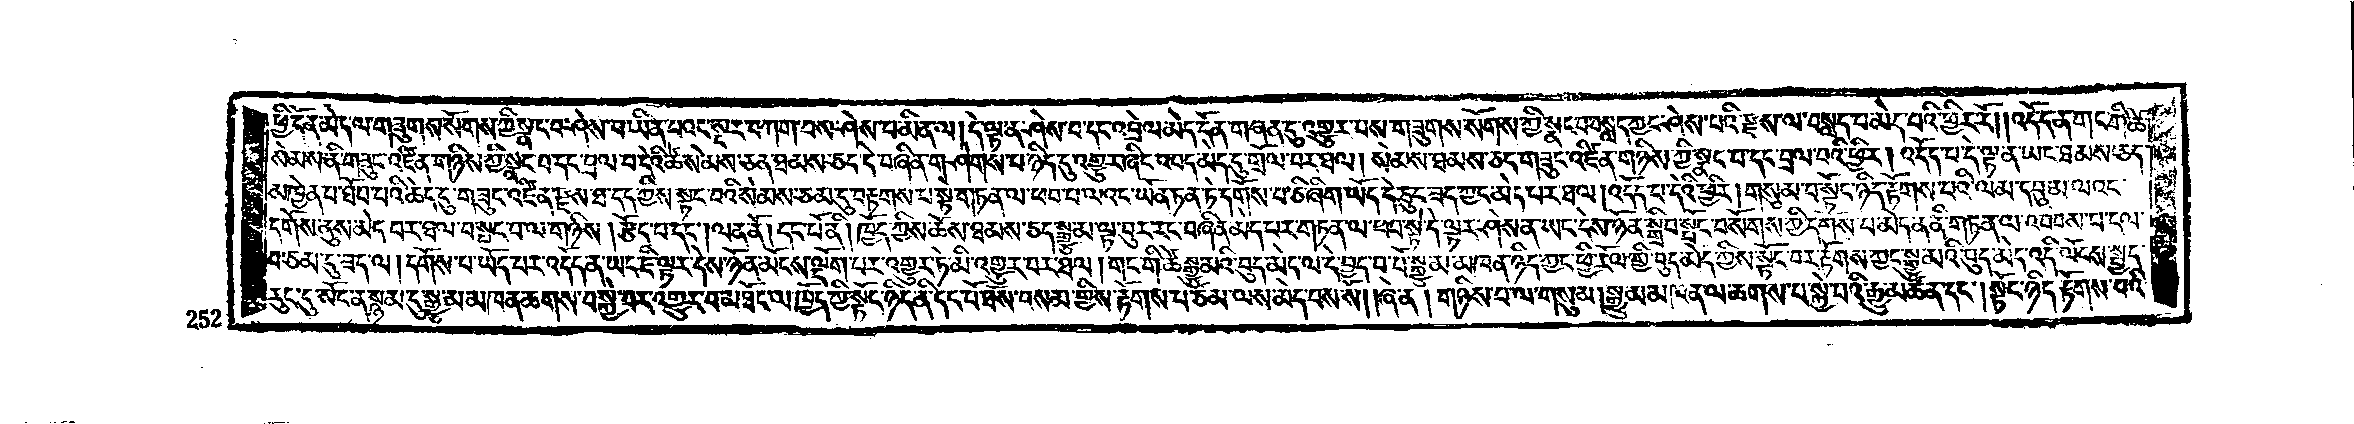ཕྱི་དོན་མེད་པ་ལ་གཟུགས་སོགས་ཀྱི་སྣང་བ་ཤེས་པ་ཡིན་པའང་སྔར་བཀག་པས་ཤེས་པ་མིན་ལ། དེ་ལྟ་ན་ཤེས་པ་དང་འབྲེལ་མེད་དོན་གཞན་དུ་འགྱུར་བས་གཟུགས་སོགས་ཀྱི་སྣང་བ་བསད་ཀྱང་ཤེས་པའི་རྫས་ལ་བསླད་པ་མེད་པའི་ཕྱིར་རོ། །འདོད་ན་གང་གི་ཚེ་
སེམས་ནི་གཟུང་འཛིན་གཉིས་སྣང་བ་དང་བྲལ་བ་དེའི་ཚེ་སེམས་ཅན་ཐམས་ཅད་དེ་བཞིན་གཤེགས་པ་ཉིད་དུ་འགྱུར་ཞིང་འབད་མེད་དུ་གྲོལ་བར་ཐལ། སེམས་ཐམས་ཅད་གཟུང་འཛིན་གཉིས་ཀྱི་སྣང་བ་དང་བྲལ་བའི་ཕྱིར། འདོད་པ་དེ་ལྟ་ན་ཡང་ཐམས་ཅད་
མཁྱེན་པ་ཐོབ་པའི་ཆེད་དུ་གཟུང་འཛིན་རྫས་ཐ་དད་ཀྱིས་སྟང་བའི་སེམས་ཙམ་དུ་བརྟགས་པ་སྟེ་གཏན་ལ་ཕབ་པ་ལའང་ཡོན་ཏན་དགོས་པ་ཅི་ཞིག་ཡོད་དེ་ཅུང་ཟད་ཀྱང་མེད་པར་ཐལ། འདོད་པ་དེའི་ཕྱིར། གསུམ་པ་སྟོང་ཉིད་རྟོགས་པའི་ལམ་དབུ་མ་ལའང་
དགོས་ནུས་མེད་པར་ཐལ་བས་སྤང་བ་ལ་གཉིས། རྩོད་པ་དང་། ལན་ནོ། །དང་པོ་ནི། ཁྱོད་ཀྱིས་ཆོས་ཐམས་ཅད་སྒྱུ་མ་ལྟར་བུར་རང་བཞིན་མེད་པར་གཏན་ལ་ཕབ་སྟེ་དེ་ལྟར་ཤེས་ན་ཡང་དེས་ཉོན་སྒྲིབ་སྤོང་བ་སོགས་ཀྱི་དགོས་པ་མེད་ན་ནི་གཏན་ལ་འབབས་པ་དལ་
བ་ཙམ་དུ་ཟད་ལ། དགོས་པ་ཡོད་པར་འདོད་ན་ཡང་ཇི་ལྟར་དེས་ཉོན་མོངས་ལྡོག་པར་འགྱུར་ཏེ་མི་འགྱུར་བར་ཐལ། གང་གི་ཚེ་སྒྱུ་མའི་བུད་མེད་ལ་དེ་བྱད་པ་པོ་སྒྱུ་མ་མཁན་ཉིད་ཀྱང་ཕྱི་རོལ་གྱི་བུད་མོད་ཀྱིས་སྟོང་བར་རྟོགས་ཀྱང་སྒྱུ་མའི་བུད་མེད་འདི་ལོངས་སྤྱད་
རུང་དུ་སོང་ན་སྙམ་དུ་སྒྱུ་མ་མཁན་ཆགས་པ་སྐྱེ་བར་འགྱུར་བ་མཐོང་ལ་ཁྱོད་ཀྱི་སྟོང་ཉིད་ནི་དང་པོ་ཐོས་བསམ་གྱིས་རྟོགས་པ་ཙམ་ལས་མེད་པས་སོ། །ཞེ་ན། གཉིས་པ་ལ་གསུམ། སྒྱུ་མ་མཁན་ལ་ཆགས་པ་སྐྱེ་བའི་རྒྱུ་མཚན་དང་། སྟོང་ཉིད་རྟོགས་པའི་